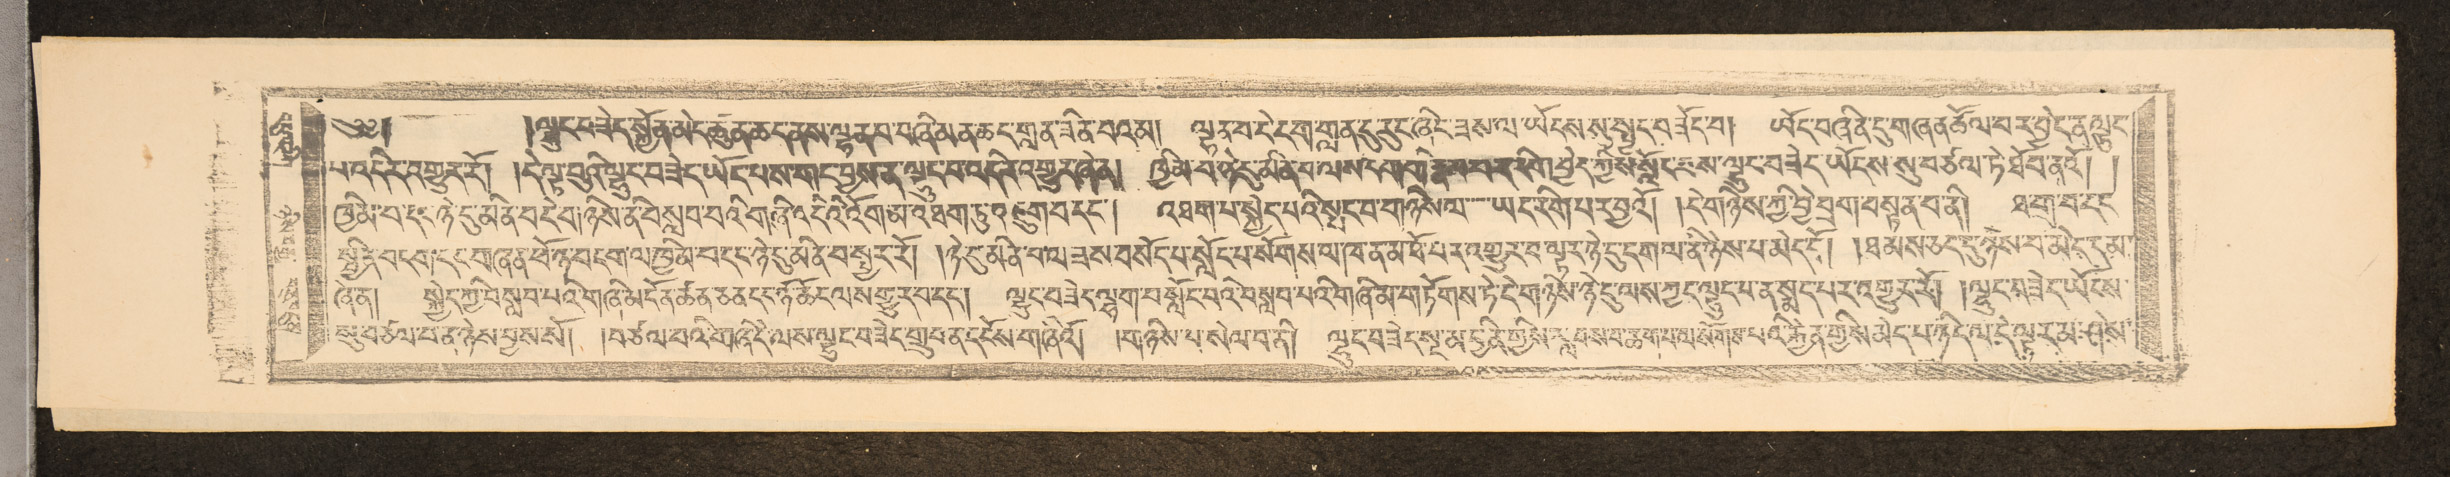༄༅། །ལྷུང་བཟེད་སྐྱོན་མེད་ཚུན་ཆད་ནས་ལྟན་པ་བཞི་མན་ཆད་གླན་ཟིན་པའམ། ལྷན་པ་དེ་དག་གླན་དུ་རུང་ཞིང་ཟས་ལ་ཡོངས་སུ་སྤྱད་བཟོད་པ། ཡོད་བཞིན་དུ་གཞན་ཚོལ་བར་བྱེད་ན་ལྟུང་
བ་འདིར་འགྱུར་རོ། །དེ་ལྟ་བུའི་ལྷུང་བཟེད་ཡོད་པས་གང་བྱས་ན་ལྟུང་བ་འདིར་འགྱུར་ཞེ་ན། ཁྱིམ་པ་ཉེ་དུ་མིན་པ་ལས་དག་གི་རྣམ་པར་རིག་བྱེད་ཀྱིས་སླང་བས་ལྷུང་བཟེད་ཡོངས་སུ་བཙལ་ཏེ་ཐོབ་ནའོ། །
ཁྱིམ་པ་དང་ཉེ་དུ་མིན་པ་དེ་གཉིས་ནི་བསླབ་པའི་གཞི་འདིའི་འོག་མ་འཐག་ཏུ་འཇུག་པ་དང་། འཐག་པ་སྐྱེད་པའི་སྤང་བ་གཉིས་ལ་ཡང་རིག་པར་བྱའོ། །དེ་གཉིས་ཀྱི་བྱེ་བྲག་བསྟན་པ་ནི། ཐག་པ་དང་
སྦྱིན་བདག་དང་གཞན་ཕོ་ཉ་བ་དག་ལ་ཁྱིམ་པ་དང་ཉེ་དུ་མིན་པ་སྦྱར་རོ། །ཉེ་དུ་མིན་པ་ལ་ཟས་བསོད་པ་སློང་བ་སོགས་ལ་ཁ་ན་མ་ཐོ་བར་འགྱུར་བ་ལྟར་ཉེ་དུ་དག་ལ་ནི་ཉེས་པ་མེད་དོ། །ཐམས་ཅད་དུ་ཉེས་པ་མེད་དམ་
ཞེན། སྐྱེད་ཀྱི་བསླབ་པའི་གཞི་མངོན་ཚན་ཅན་དང་ཉོ་ཚོང་ལས་གྱུར་པ་དང་། ལྷུང་བཟེད་ལྷག་པ་སློང་བའི་བསླབ་པའི་གཞི་མ་གཏོགས་ཏེ་དེ་གཉིས་ཉེ་དུ་ལས་ཀྱང་ལྟུང་བ་ན་སྨད་པར་འགྱུར་རོ། །ལྷུང་བཟེད་ཡོངས་
སུ་བཙལ་བ་ན་ཉེས་བྱས་སོ། །བཙལ་བའི་གཞི་དེ་ལས་ལྷུང་བཟེད་གྲུབ་ན་དངོས་གཞིའོ། །གཉིས་པ་སེལ་བ་ནི། ལྷུང་བཟེད་སྔ་མ་བྱིན་གྱིས་བརླབས་པ་ཆག་པ་ལ་སོགས་པའི་རྐྱེན་གྱིས་མེད་པ་ཉིད་ལ་དེ་ལྟར་མ་ཤེས་